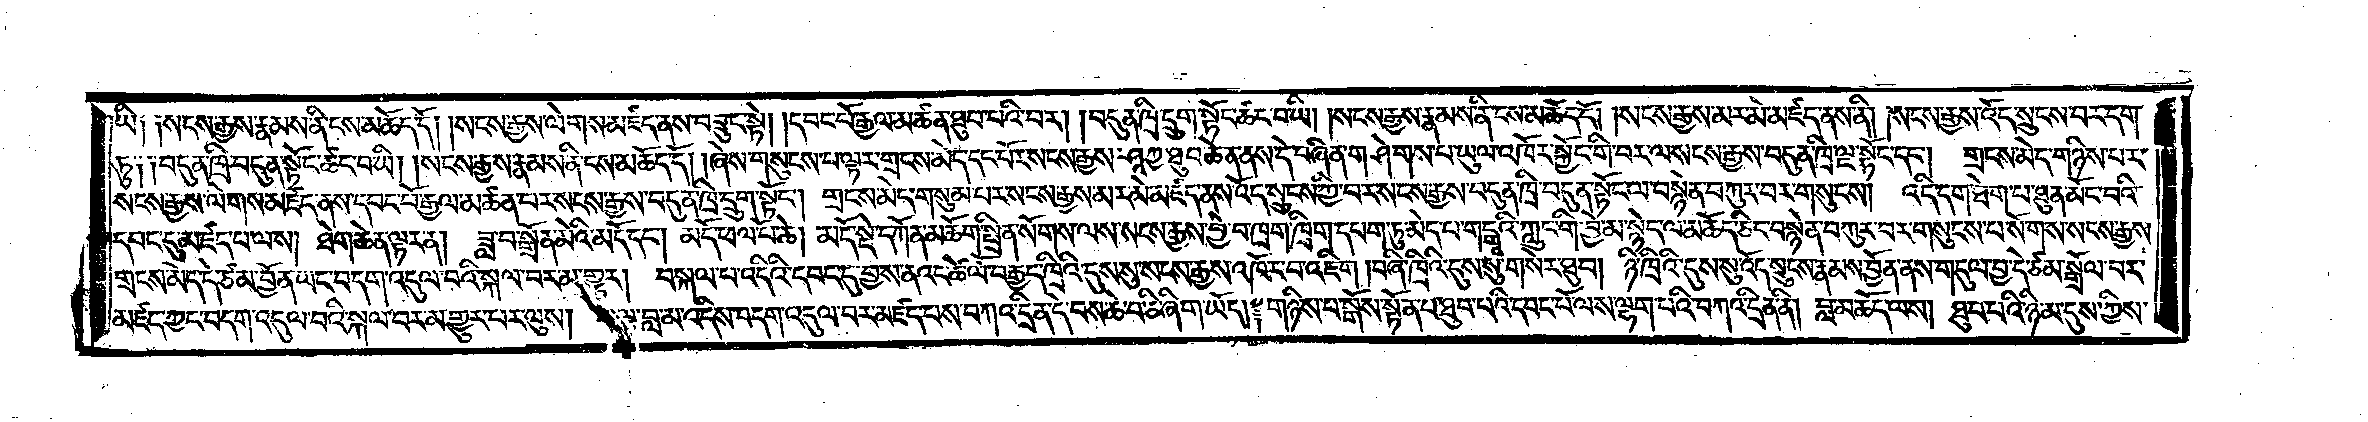ཡི༑ ༑སངས་རྒྱས་རྣམས་ནི་ངས་མཆོད་དོ། །སངས་རྒྱས་ལེགས་མཛད་ནས་བཟུང་སྟེ། །དབང་པོ་རྒྱལ་མཚན་ཐུབ་པའི་བར། །བདུན་ཁྲི་དྲུག་སྟོང་ཚང་བ་ཡི། །སངས་རྒྱས་རྣམས་ནི་ངས་མཆོད་དོ། །སངས་རྒྱས་མར་མེ་མཛད་ནས་ནི། །སངས་རྒྱས་འོད་སྲུངས་བར་དག་
ཏུ༑ ༑བདུན་ཁྲི་བདུན་སྟོང་ཚང་བ་ཡི། །སངས་རྒྱས་རྣམས་ནི་ངས་མཆོད་དོ། །ཞེས་གསུངས་པ་ལྟར་གྲངས་མེད་དང་པོར་སངས་རྒྱས་ཤཱཀྱ་ཐུབ་ཆེན་ནས་དེ་བཞིན་གཤེགས་པ་ཡུལ་འཁོར་སྐྱོང་གི་བར་ལ་སངས་རྒྱས་བདུན་ཁྲི་ལྔ་སྟོང་དང་། གྲངས་མེད་གཉིས་པར་
སངས་རྒྱས་ལེགས་མཛད་ནས་དབང་པོ་རྒྱལ་མཚན་བར་སངས་རྒྱས་བདུན་ཁྲི་དྲུག་སྟོང་། གྲངས་མེད་གསུམ་པར་སངས་རྒྱས་མར་མེ་མཛད་ནས་འོད་སྲུངས་ཀྱི་བར་སངས་རྒྱས་བདུན་ཁྲི་བདུན་སྟོང་ལ་བསྙེན་བཀུར་བར་གསུངས། འདི་དག་ཐེག་པ་ཐུན་མོང་བའི་
དབང་དུ་མཛད་པ་ལས། ཐེག་ཆེན་ལྟར་ན། ཟླ་བ་སྒྲོན་མེའི་མདོ་དང་། མདོ་ཕལ་པོ་ཆེ། མདོ་སྡེ་དཀོན་མཆོག་སྤྲིན་སོགས་ལས་སངས་རྒྱས་བྱེ་བ་ཁྲག་ཁྲིག་དཔག་ཏུ་མེད་པ་གངྒཱའི་ཀླུང་གི་བྱེ་མ་སྙེད་ལ་མཆོད་ཅིང་བསྙེན་བཀུར་བར་གསུངས་པ་སོགས་སངས་རྒྱས་
གྲངས་མེད་དེ་ཙམ་བྱོན་ཡང་བདག་འདུལ་བའི་སྐལ་བར་མ་གྱུར། བསྐལ་པ་འདིའི་དབང་དུ་བྱས་ནའང་ཚེ་ལོ་བརྒྱད་ཁྲིའི་དུས་སུ་སངས་རྒྱས་འཁོར་བ་འཇིག །བཞི་ཁྲིའི་དུས་སུ་གསེར་ཐུབ། ཉི་ཁྲིའི་དུས་སུ་འོད་སྲུངས་རྣམས་བྱོན་ནས་གདུལ་བྱ་དེ་ཙམ་སྒྲོལ་བར་
མཛད་ཀྱང་བདག་འདུལ་བའི་སྐལ་བར་མ་གྱུར་པར་ལུས། དེ་ལྟ་བླ་མ་འདིས་བདག་འདུལ་བར་མཛད་པས་བཀའ་དྲིན་དེ་བས་ཆེ་བ་ཅི་ཞིག་ཡོད། ༈ གཉིས་པ་སྒོས་སྟོན་པ་ཐུབ་པའི་དབང་པོ་ལས་ལྷག་པའི་བཀའ་དྲིན་ནི། བླ་མཆོད་ལས། ཐུབ་པའི་ཉི་མ་དུས་ཀྱིས་